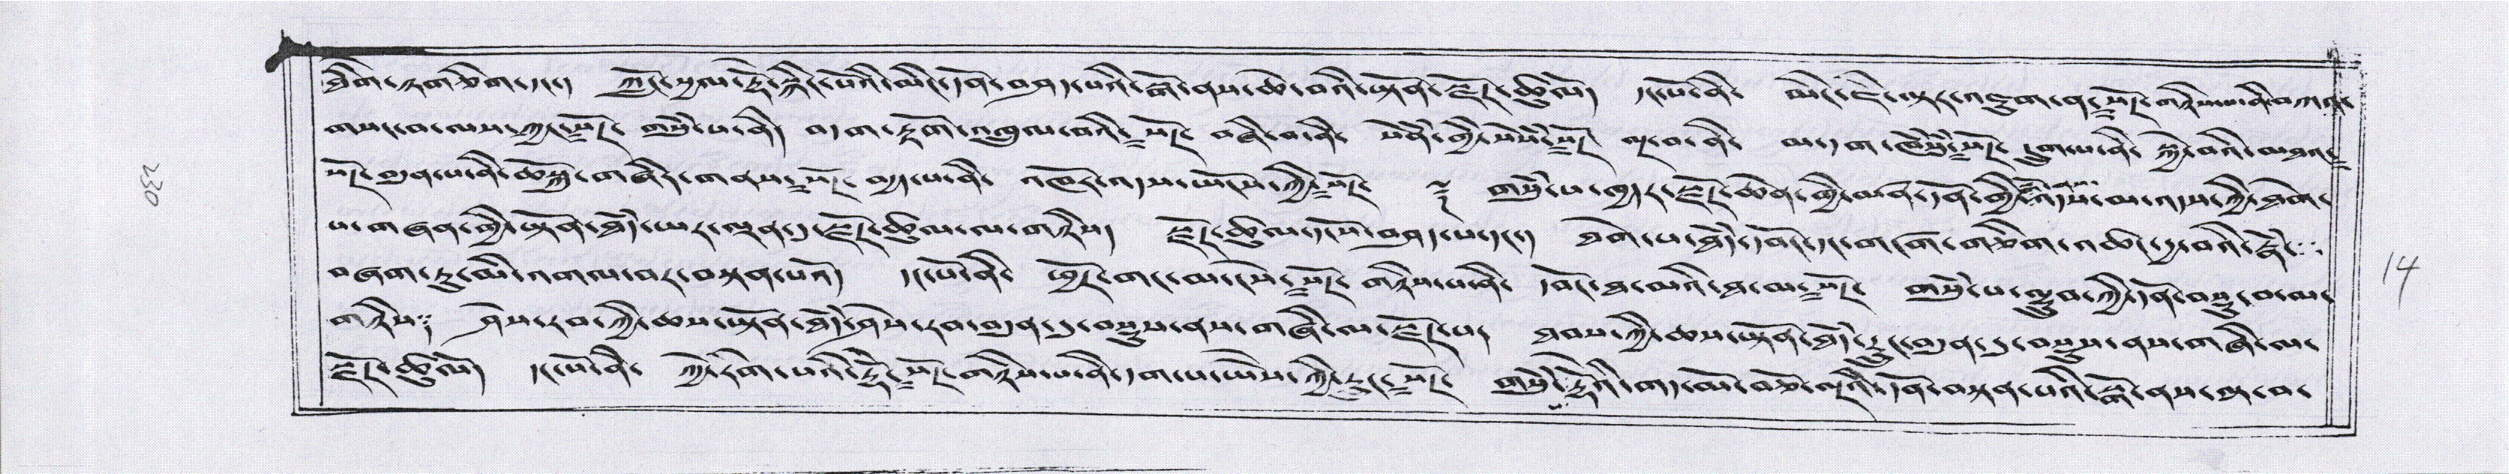ཐིག་ལེ་ཉག་གཅིག་དང། ཀློང་གསལ་རྡོ་རྗེ་སྙིང་པོའི་མིང་དོན་བཤད་པའི་སྒོ་ནས་ཆེ་བའི་ཡོན་ཏན་རྫོགས་ཚུལ་ལོ། དང་པོ་ནི། མིང་ཇི་ལྟར་འཇུག་ན་སོགས། གཉིས་པ་ནི་བཀའ་
གསང་བ་ལས་ཀྱང་སོགས། གསུམ་པ་ནི། བདག་རྟོག་འཁྲུལ་བའི་སོགས། བཞི་པ་ནི། སེམས་ཅན་གྱི་སེམས་སོགས། ལྔ་པ་ནི། མ་དག་ཁམས་གསུམ་སོགས། དྲུག་པ་ནི། སྐྱེ་བའི་མཐའ་
སོགས་བདུན་པ་ནི་ཆོས་སྐུ་གཞིར་གནས་སོགས། བརྒྱད་པ་ནི། འཁོར་འདས་ཡོངས་ཀྱི་སོགས། ༑ གསུམ་པ་ཁྱད་པར་རྫོགས་ཆེན་གྱི་མཚན་དོན་གྱི་སྒོ་ནས་འདས་མ་འདས་ཀྱི་ཐེག་
པ་གཞན་གྱི་ཡོན་ཏན་ཐམས་ཅད་ཡར་ལྡན་དུ་རྫོགས་ཚུལ་ལ་གཉིས། རྫོགས་ཚུལ་དངོས་བཤད་པ་དང། ཐེག་པ་ཐམས་ཅད་དབང་པོ་དང་གང་ཟག་གཅིག་འཚང་རྒྱ་བའི་རྣམ་
བཞག་ཏུ་མི་འགལ་བར་བསྟན་པའོ། དང་པོ་ནི། ཕྱོགས་གང་མ་ངེས་སོགས། གཉིས་པ་ནི། དབང་པོ་ཐ་མའི་ཐ་མ་སོགས། གསུམ་པ་ལྷུན་གྲུབ་ཀྱི་དོན་བསྡུ་བ་ལ་
གཉིས། ཤེས་རབ་ཀྱི་ཆས་ཡོན་ཏན་ཐམས་ཅད་ཤེས་རབ་བདུན་དུ་བསྡུས་ནས་གཞི་ལ་རྫོགས་པ། ཐབས་ཀྱི་ཆས་ཡོན་ཏན་ཐམས་ཅད་རླུང་བདུན་དུ་བསྡུས་ནས་གཞི་ལ་
རྫོགས་ཚུལ་ལོ། དང་པོ་ནི། ཀྱེ་རིག་པའི་རྡོ་རྗེ་སོགས་གཉིས་པ་ནི་དག་པ་ཡེ་ཤེས་ཀྱི་རླུང་སོགས། གསུམ་རྡོ་རྗེའི་གད་མོ་བཅོ་ལྔའི་དོན་བསྟན་པའི་སྒོ་ནས་ལྟ་བ་